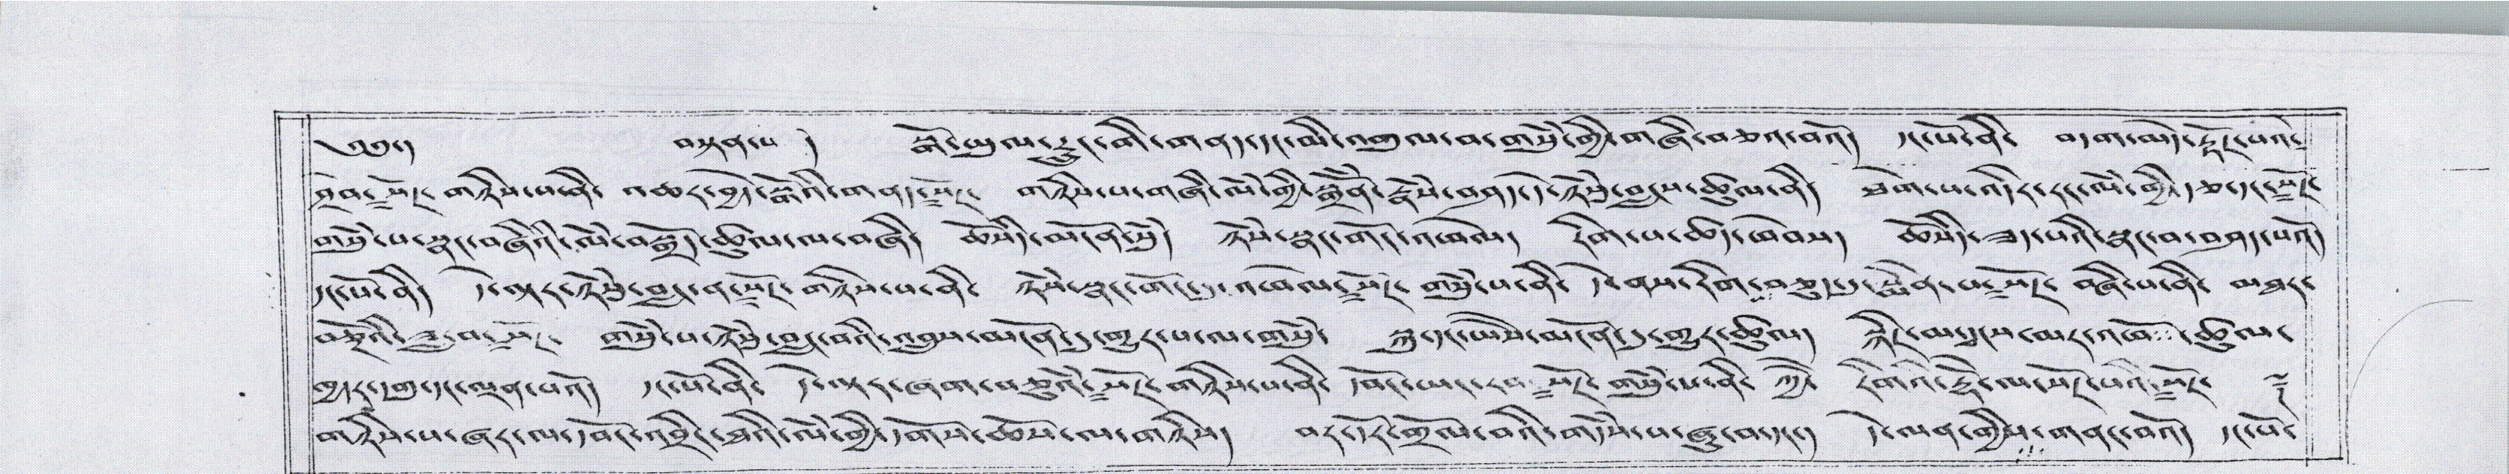བསྟན་པ། སྒོ་ཡུལ་རླུང་གི་གནད་དང་མི་འགུལ་བ་གསུམ་གྱི་གཞི་བཅའ་བའོ། དང་པོ་ནི། བདག་མེད་རྟོགས་པའི་
ཤེས་རབ་སོགས། གཉིས་པ་ནི། འཆར་བྱེད་སྒོའི་གནད་སོགས། གཉིས་པ་གཞི་ལམ་གྱི་སྒྲོན་མ་རྣམས་བཤད་དེ་ཉམས་སུ་བླངས་ཚུལ་ནི། ཐེག་པ་འདིར་རང་ལམ་གྱི་རྩ་དང་སོགས། 
གསུམ་པ་སྣང་བཞིའི་ལམ་བསྒྲོད་ཚུལ་ལ་བཞི། ཆོས་ཉིད་མངོན་སུམ། ཉམས་སྣང་གོང་འཕེལ། རིག་པ་ཚད་ཕེབས། ཆོས་ཉིད་ཟད་པའི་སྣང་བ་བཤད་པའོ། 
དང་པོ་ནི། དེ་ལྟར་ཉམས་སུ་བླང་ན་སོགས། གཉིས་པ་ནི། ཉམས་སྣང་གོང་དུ་འཕེལ་སོགས། གསུམ་པ་ནི། དེ་ནས་རིག་པ་བཅུད་དུ་སྨིན་པ་སོགས། བཞི་པ་ནི། མཐར་
བཅོ་ལྔའི་ཟླ་བ་སོགས། གསུམ་པ་ཉམས་སུ་བླང་བའི་འབྲས་བུ་མངོན་དུ་གྱུར་པ་ལ་གསུམ། སྐུ་དང་ཡེ་ཤེས་མངོན་དུ་གྱུར་ཚུལ། སྙིགས་མ་དྭངས་མར་འཕོ་ཚུལ། 
ཁྱད་པར་དགུ་དང་ལྡན་པའོ། དང་པོ་ནི། དེ་ལྟར་ཞག་བཅུ་འམ་སོགས། གཉིས་པ་ནི། དབང་པོ་ཡང་རབ་སོགས། གསུམ་པ་ནི། ཀྱཻ། རིག་པའི་རྡོ་རྗེ་ལ་སོགས་པའི་སོགས། ༑ 
གཉིས་པ་ཞར་ལ་དབང་པོ་འབྲིང་ཐའི་ལམ་གྱི་དགོས་ཆོས་ལ་གཉིས། བར་དོར་གྲོལ་བའི་གདམས་པ་ཞུ་བ་དང། དེ་ལན་གྱིས་གནང་བའོ། དང་པོ་